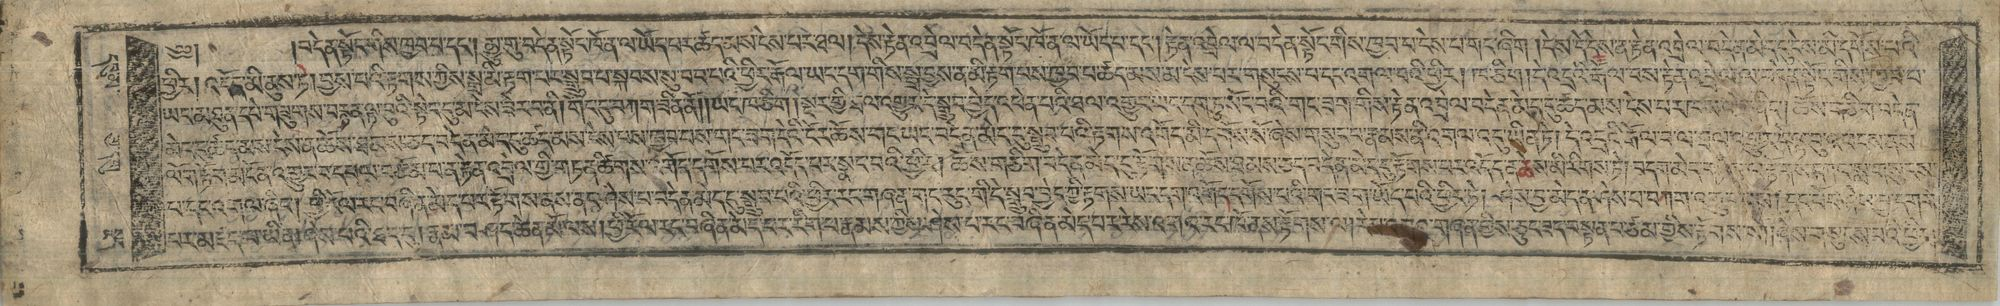༄༅། །བདེན་སྟོང་གིས་ཁྱབ་པ་དང་། མྱུ་གུ་བདེན་སྟོང་ཁོ་ན་ལ་ཡོད་པར་ཚད་མས་ངེས་པར་ཐལ། དེས་རྟེན་འབྲེལ་བདེན་སྟོང་ཁོ་ན་ལ་ཡོད་པ་དང་། རྟེན་འབྲེལ་ལ་བདེན་སྟོང་གིས་ཁྱབ་པ་ངེས་པ་གང་ཞིག །དེས་དེ་ངེས་ན་རྟེན་འབྲེལ་བདེན་མེད་དུ་ངེས་མི་དགོས་པའི་
ཕྱིར། འདོད་མི་ནུས་ཏེ། བྱས་པའི་རྟགས་ཀྱིས་སྒྲ་མི་རྟག་པར་སྒྲུབ་པ་སྐབས་སུ་བབ་པའི་ཕྱིར་རྒོལ་ཡང་དག་གིས་སྒྲ་བྱས་ན་མི་རྟག་པས་ཁྱབ་པ་ཚད་མས་མ་ངེས་པར་གསུངས་པ་དང་འགལ་བའི་ཕྱིར། ཁ་ཅིག །དེ་འདྲའི་རྒོལ་བས་རྟེན་འབྲེལ་ལ་བདེན་སྟོང་གིས་ཁྱབ་པ་
ཡང་མཐུན་དཔེ་གཟུགས་བརྙན་ལྟ་བུའི་སྟེང་དུ་མ་ངེས་ཟེར་བ་ནི། གོང་དུ་བཀག་ཟིན་ནོ། །ཡང་ཁ་ཅིག །སྔར་གྱི་ཐལ་འགྱུར་དེ་སྒྲུབ་བྱེད་འཕེན་པའི་ཐལ་འགྱུར་ཡང་དག་ཏུ་སོང་བའི་གང་ཟག་གིས་རྟེན་འབྲེལ་བདེན་མེད་དུ་ཚད་མས་ངེས་པར་ཁས་ལེན་ཞིང་། ཆོས་གཅིག་བདེན་
མེད་དུ་ཚད་མས་ངེས་ན་ཆོས་ཐམས་ཅད་བདེན་མེད་དུ་ཚད་མས་ངེས་པས་ཁྱབ་པས་གང་ཟག་དེའི་ངོར་ཆོས་གང་ཡང་བདེན་མེད་དུ་སྒྲུབ་པའི་རྟགས་འགོད་མི་དགོས་སོ་ཞེས་གསུང་བ་རྣམས་ནི་འགལ་འདུ་ཡིན་ཏེ། དེ་འདྲའི་རྒོལ་བ་ལ་ཐལ་འགྱུར་དེ་ལྟ་བུ་འཕངས་ནས་
ལོག་རྟོག་མངོན་འགྱུར་བ་དཔལ་བཅོམ་པ་ན་རྟེན་འབྲེལ་གྱི་གཏན་ཚིགས་འགོད་དགོས་པར་འདོད་པར་སྣང་བའི་ཕྱིར། ཆོས་གཅིག་བདེན་མེད་དུ་རྟོགས་ན་ཆོས་ཐམས་ཅད་བདེན་མེད་དུ་རྟོགས་པར་འདོད་ན་ཆེས་མི་རིགས་ཏེ། བདག་མེད་གཉིས་ལ་རྟོགས་དཀའ་སླ་གསུངས་
པ་དང་འགལ་ཞིང་། ཕྱི་རོལ་རང་བཞིན་མེད་པར་རྟོགས་ནས་ནང་ཤེས་པ་བདེན་མེད་དུ་སྒྲུབ་པའི་ཕྱིར་རང་གཞན་གང་རུང་གི་དེ་སྒྲུབ་བྱེད་ཀྱི་རྟགས་ཡང་དག་འགོད་དགོས་པའི་གང་ཟག་ཡོད་པའི་ཕྱིར་ཏེ། ཤེས་བྱ་མེད་ན་ཤེས་པ་བཀག་འགྲུབ་པས། དང་པོར་ཤེས་བྱ་དགག་
པར་མཛད་པ་ཡིན། ཞེས་པའི་ཐད་དུ། རྣམ་བཤད་ཆེན་མོ་ལས། ཕྱི་རོལ་རང་བཞིན་མེད་པར་རིག་པ་རྣམས་ཀྱིས་ཤེས་པ་རང་བཞིན་མེད་པར་རེས་འགའ་རང་ཁོ་ནས་རྟོགས་ལ། རེས་འགའ་གཞན་གྱིས་ཅུང་ཟད་བསྟན་པ་ཙམ་གྱིས་རྟོགས་སོ། །ཞེས་གསུངས་པའི་ཕྱིར།